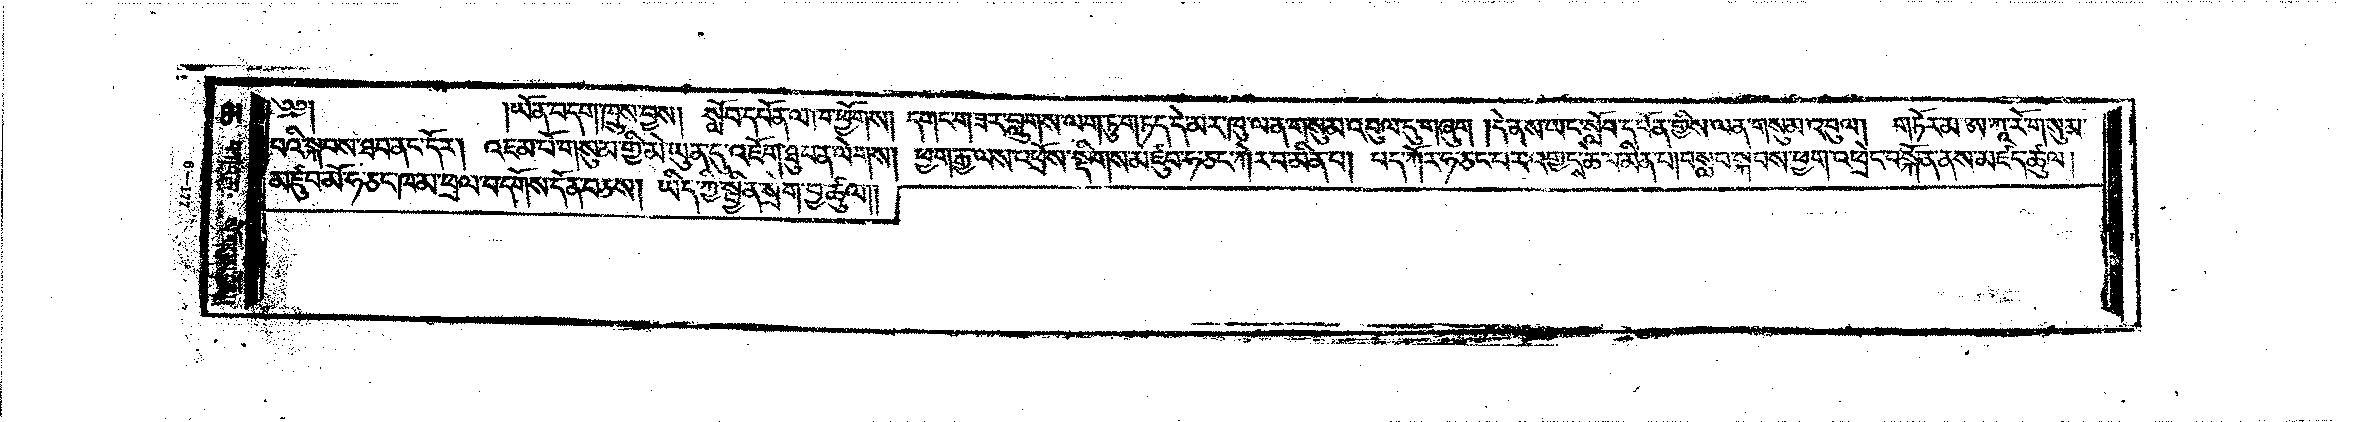༄༅། །ཡོན་བདག་ཁྲུས་བྱས། སློབ་དཔོན་ལ་ཁ་ཕྱོགས། དགང་གཟར་བླུགས་ལག་ཏུ་གཏད་དེ་མར་ཁུ་ལན་གསུམ་འབུལ་དུ་གཞུག །དེ་ནས་ཡང་སློབ་དཔོན་གྱིས་ལན་གསུམ་འབུལ། གཏོར་མ་ཨ་ཀཱ་རོ་གསུམ་
བའི་སྐབས་ཐབ་ནང་དོར། འཇམ་པོ་གསུམ་གྱི་མེ་ཡུན་དུ་འཇོག་ཐུབ་ན་ལེགས། ཕྱག་རྒྱ་ལས་འཕྲོས་སྡིགས་མཛུབ་ཧ་ཅང་ཀེར་བ་མིན་པ། པད་ཀོར་ཧ་ཅང་པར་འགྱངས་ཆེལ་མིན་པ། བསླབ་སྐབས་ཕྱག་འཕྲེང་བ་སྐོན་ནས་མཛད་ཚུལ།
མཛུབ་མོ་ཧ་ཅང་ཁམ་ཕྲལ་བ་དགོས་དོན་བཅས། ཡིད་ཀྱི་སྤྱིན་སྲེག་བྱ་ཚུལ།།